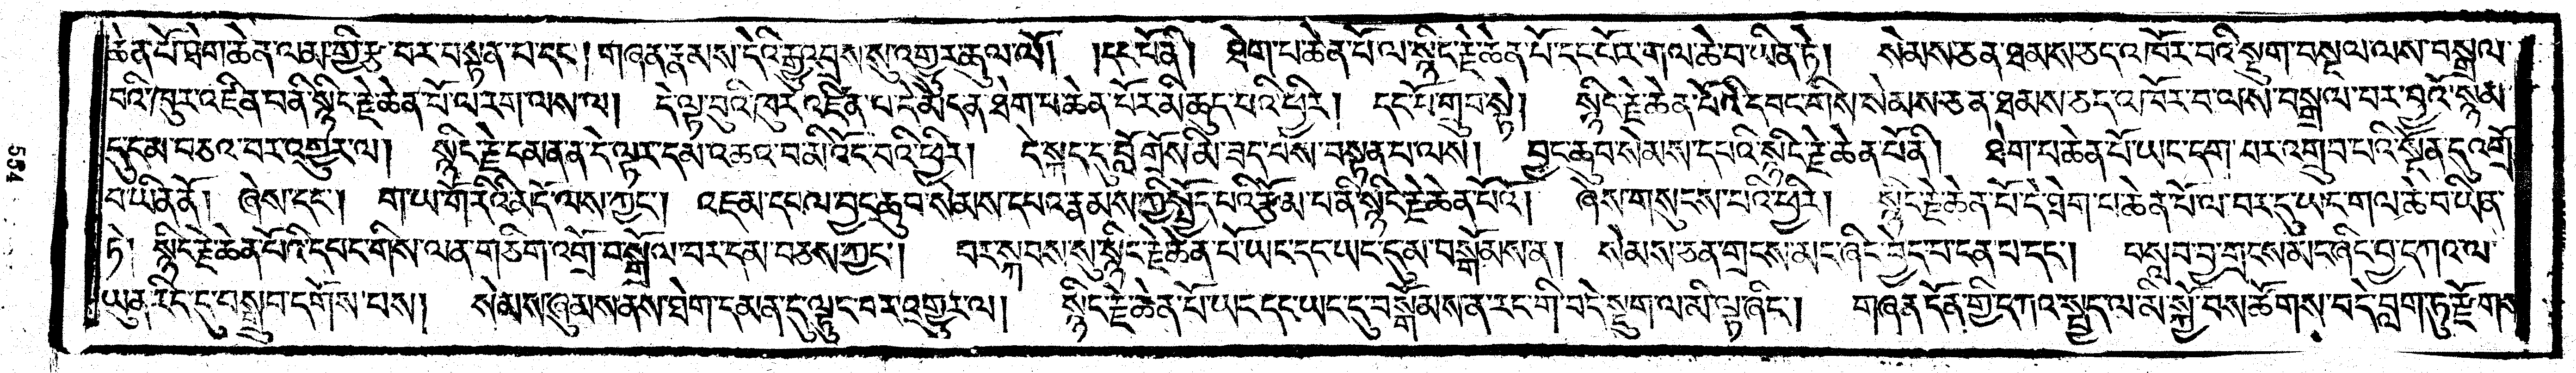ཆེན་པོ་ཐེག་ཆེན་ལམ་གྱི་རྩ་བར་བསྟན་པ་དང་། གཞན་རྣམས་དེའི་རྒྱུ་འབྲས་བུ་འགྱུར་ཆུལ་ལོ། །དང་པོ་ནི། ཐེག་པ་ཆེན་པོ་ལ་སྙིང་རྗེ་ཆེན་པོ་དང་པོར་གལ་ཆེ་བ་ཡིན་ཏེ། སེམས་ཅན་ཐམས་ཅད་འཁྲོ་བའི་སྡུག་བསྔལ་ལས་བསྒྲལ་
བའི་ཁུར་འཛིན་པ་ནི་སྙིང་རྗེ་ཆེན་པོ་ལ་རག་ལས་ལ། དེ་ལྟ་བུའི་ཁུར་འཛིན་པ་དེ་མེད་ན་ཐེག་པ་ཆེན་པོར་མི་ཆུད་པའི་ཕྱིར། དང་པོ་གྲུབ་སྟེ། སྙིང་རྗེ་ཆེན་པོའི་དབང་གིས་སེམས་ཅན་ཐམས་ཅད་འཁོར་བ་ལས་བསྒྲལ་པར་བྱའོ་སྙམ་
དུ་དམ་བཅའ་བར་འགྱུར་ལ། སྙིང་རྗེ་དམན་ན་དེ་ལྟར་དམ་འཆའ་བ་མི་འོང་བའི་ཕྱིར། དེ་སྐད་དུ་བློ་གྲོས་མི་ཟད་པས་བསྟན་པ་ལས། བྱང་ཆུབ་སེམས་དཔའི་སྙིང་རྗེ་ཆེན་པོ་ནི། ཐེག་པ་ཆེན་པོ་ཡང་དག་པར་འགྲུབ་པའི་སྔོན་དུ་འགྲོ་
བ་ཡིན་ནོ། ཞེས་དང་། ག་ཡ་གོ་རིའི་མདོ་ལས་ཀྱང་། འཇམ་དཔལ་བྱང་ཆུབ་སེམས་དཔའ་རྣམས་ཀྱི་སྤྱོད་པའི་རྩོམ་པ་ནི་སྙིང་རྗེ་ཆེན་པོའོ། ཞེས་གསུངས་པའི་ཕྱིར། སྙིང་རྗེ་ཆེན་པོ་དེ་ཐེག་པ་ཆེན་པོ་ལ་བར་དུ་ཡང་གལ་ཆེ་བ་ཡིན་
ཏེ། སྙིང་རྗེ་ཆེན་པོའི་དབང་གིས་ལན་གཅིག་འགྲོ་བ་སྒྲོལ་བར་དམ་བཅས་ཀྱང་། བར་སྐབས་སུ་སྙིང་རྗེ་ཆེན་པོ་ཡང་དང་ཡང་དུ་མ་བསྒོམས་ན། སེམས་ཅན་གྲངས་མང་ཞིང་བྱེད་པ་ངན་པ་དང་། བསླབ་བྱ་གྲངས་མང་ཞིང་བྱ་དཀའ་ལ་
ཡུན་རིང་དུ་བསྒྲུབ་དགོས་པས། སེམས་ཞུམས་ནས་ཐེག་དམན་དུ་ལྟུང་བར་འགྱུར་ལ། སྙིང་རྗེ་ཆེན་པོ་ཡང་དང་ཡང་དུ་བསྒོམས་ན་རང་གི་བདེ་སྡུག་ལ་མི་ལྟ་ཞིང་། གཞན་དོན་གྱི་དཀའ་སྤྱད་ལ་མི་སྐྱོ་བས་ཚོགས་བདེ་བླག་ཏུ་རྫོགས་